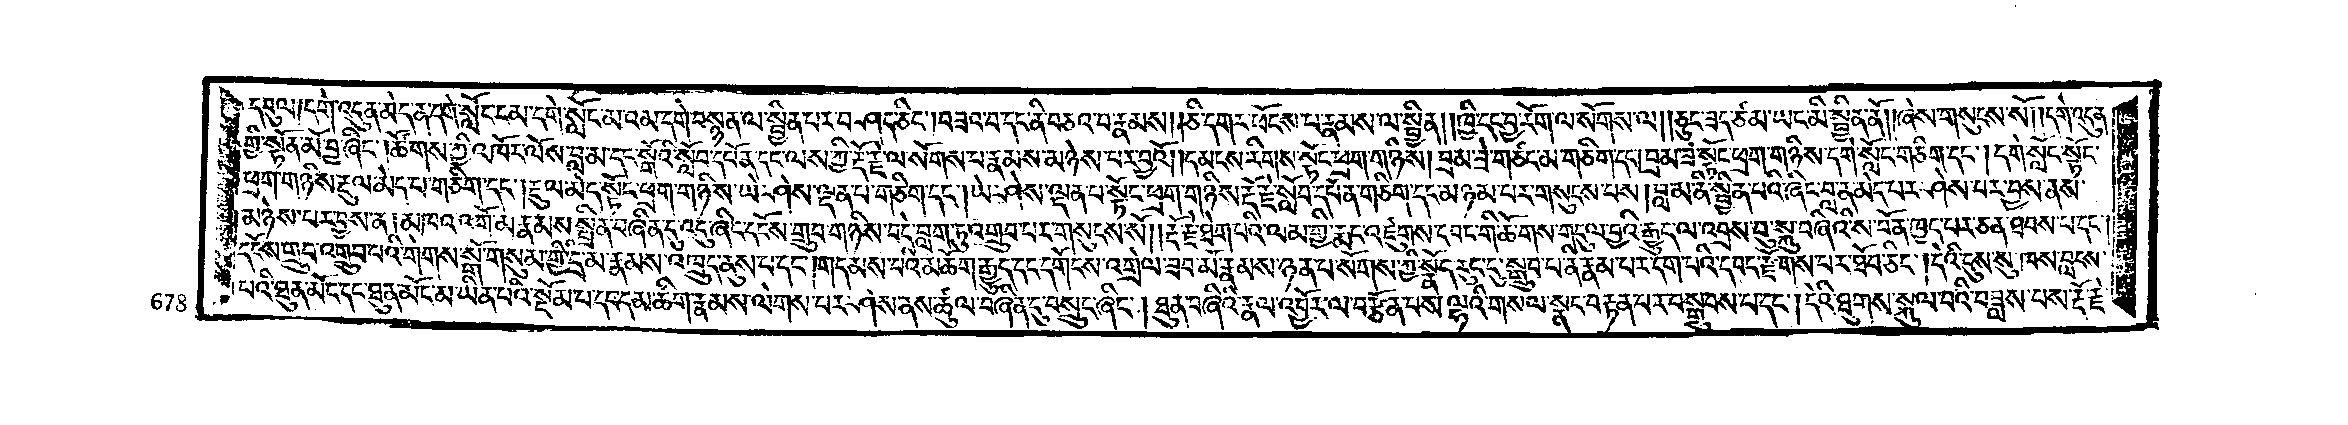དབུལ། དགེ་འདུན་མེད་ན་དགེ་སློང་ངམ་དགེ་སློང་མ་འམ་དགེ་བསྙན་ལ་སྦྱིན་པར་བཤད་ཅིང་། བཟའ་བ་དང་ནི་བཅའ་བ་རྣམས། །ཅི་དགར་ཕོངས་པ་རྣམས་ལ་སྦྱིན། །ཁྱི་དང་བྱ་རོག་ལ་སོགས་ལ། །ཅུང་ཟད་ཙམ་ཡང་མི་སྦྱིན་ནོ། །ཞེས་གསུངས་སོ། །དགེ་འདུན་
གྱི་སྟོན་མོ་བྱ་ཞིང་། ཚོགས་ཀྱི་འཁོར་ལོས་བླ་མ་དང་སྒོའི་སློབ་དཔོན་དང་ལས་ཀྱི་རྡོ་རྗེ་ལ་སོགས་པ་རྣམས་མཉེས་པར་བྱའོ། །དམངས་རིགས་སྟོང་ཕྲག་གཉིས། བྲམ་ཟེ་གཙང་མ་གཅིག་དང་། བྲམ་ཟེ་སྟོང་ཕྲག་གཉིས་དགེ་སློང་གཅིག་དང་། དགེ་སློང་སྟོང་
ཕྲག་གཉིས་རྡུལ་མེད་པ་གཅིག་དང་། རྡུལ་མེད་སྟོང་ཕྲག་གཉིས་ཡེ་ཤེས་ལྡན་པ་གཅིག་དང་། ཡེ་ཤེས་ལྡན་པ་སྟོང་ཕྲག་གཉིས་རྡོ་རྗེ་སློབ་དཔོན་གཅིག་དང་མཉམ་པར་གསུངས་པས། བླ་མ་ནི་སྦྱིན་པའི་ཞིང་བླ་ན་མེད་པར་ཤེས་པར་བྱས་ནས་
མཉེས་པར་བྱས་ན། མཁའ་འགྲོ་མ་རྣམས་སྤྲིན་བཞིན་དུ་འདུ་ཞིང་དངོས་གྲུབ་གཉིས་བདེ་བླག་ཏུ་འགྲུབ་པར་གསུངས་སོ། །རྡོ་རྗེ་ཐེག་པའི་ལམ་གྱི་རྨང་འཛུགས་དབང་གི་ཆོ་གས་གདུལ་བྱའི་རྒྱུད་ལ་འབྲས་བུ་སྐུ་བཞིའི་ས་བོན་ཁྱད་པར་ཅན་ཐེབས་པ་དང་།
དངོས་གྲུབ་འགྲུབ་པའི་གེགས་སྒོ་གསུམ་གྱི་དྲི་མ་རྣམས་འཁྲུད་ནུས་པ་དང་། གདམས་པའི་མཆོག་རྒྱུད་དང་དགོངས་འགྲེལ་ཟབ་མོ་རྣམས་ཉན་པ་སོགས་ཀྱི་སྣོད་རུང་དུ་སྒྲུབ་པ་ནི་རྣམ་པར་དག་པའི་དབང་རྫོགས་པར་ཐོབ་ཅིང་། དེའི་དུས་སུ་ཁས་བླངས་
པའི་ཐུན་མོང་དང་ཐུན་མོང་མ་ཡིན་པའི་སྡོམ་པ་དང་དམ་ཚིག་རྣམས་ལེགས་པར་ཤེས་ནས་ཚུལ་བཞིན་དུ་བསྲུང་ཞིང་། ཐུན་བཞིའི་རྣལ་འབྱོར་ལ་བརྩོན་པས་ལྷའི་གསལ་སྣང་བརྟན་པར་བསྒྲུབས་པ་དང་། དེའི་ཐུགས་སྐུལ་བའི་བཟླས་པས་རྡོ་རྗེ་